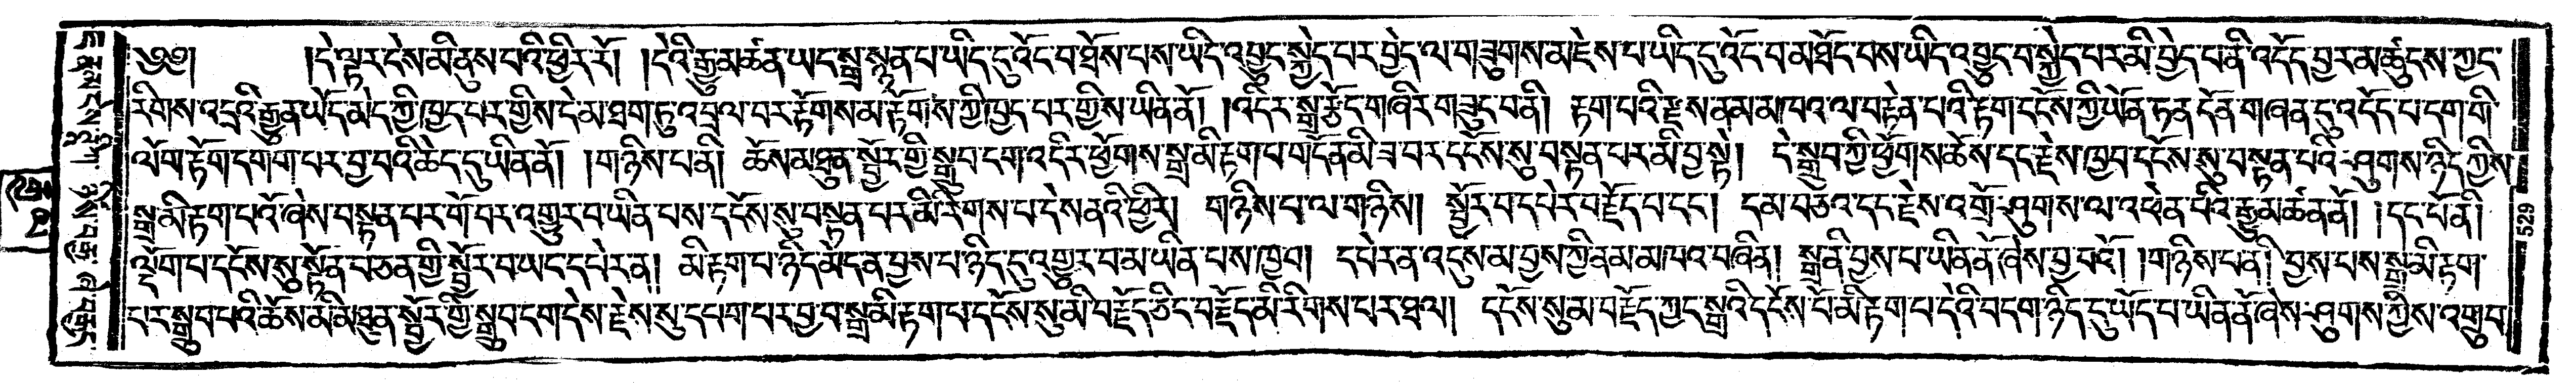༄༅། །དེ་ལྟར་ངེས་མི་ནུས་པའི་ཕྱིར་རོ། །དེའི་རྒྱུ་མཚན་ཡང་སྒྲ་སྙན་པ་ཡིད་དུ་འོང་བ་ཐོས་པས་ཡིད་འབྱུང་སྐྱེད་པར་བྱེད་ལ་གཟུགས་མཇེས་པ་ཡིད་དུ་འོང་བ་མཐོང་བས་ཡིད་འབྱུང་བ་སྐྱེད་པར་མི་བྱེད་པ་ནི་འདོད་བྱར་མཚུངས་ཀྱང་
རིགས་འདྲའི་རྒྱུན་ཡོད་མེད་ཀྱི་ཁྱད་པར་གྱིས་དེ་མ་ཐག་ཏུ་འབྲལ་བར་རྟོགས་མ་རྟོགས་ཀྱི་ཁྱད་པར་གྱིས་ཡིན་ནོ། །འདིར་སྒྲ་རྩོད་གཞིར་གཟུང་བ་ནི། རྟག་པའི་རྫས་ནམ་མཁའ་ལ་བརྟེན་པའི་རྟག་དངོས་ཀྱི་ཡོན་ཏན་དོན་གཞན་དུ་འདོད་པ་དག་གི་
ལོག་རྟོག་དགག་པར་བྱ་བའི་ཆེད་དུ་ཡིན་ནོ། །གཉིས་པ་ནི། ཆོས་མཐུན་སྦྱོར་གྱི་སྒྲུབ་ངག་འདིར་ཕྱོགས་སྒྲ་མི་རྟག་པ་གདོན་མི་ཟ་བར་དངོས་སུ་བསྟན་པར་མི་བྱ་སྟེ། དེ་སྒྲུབ་ཀྱི་ཕྱོགས་ཆོས་དང་རྗེས་ཁྱབ་དངོས་སུ་བསྟན་པའི་ཤུགས་ཉིད་ཀྱིས་
སྒྲ་མི་རྟག་པའོ་ཞེས་བསྟན་པར་གོ་བར་འགྱུར་བ་ཡིན་པས་དངོས་སུ་བསྟན་པར་མི་རིགས་པ་དེས་ནའི་ཕྱིར། གཉིས་པ་ལ་གཉིས། སྦྱོར་བ་དཔེར་བརྗོད་པ་དང་། དམ་བཅའ་དང་རྗེས་འགྲོ་ཤུགས་ལ་འཕེན་པའི་རྒྱུ་མཚན་ནོ། །དང་པོ་ནི།
ལྡོག་པ་དངོས་སུ་སྟོན་པ་ཅན་གྱི་སྦྱོར་བ་ཡང་དཔེར་ན། མི་རྟག་པ་ཉིད་མེད་ན་བྱས་པ་ཉིད་དུ་འགྱུར་བ་མ་ཡིན་པས་ཁྱབ། དཔེར་ན་འདུས་མ་བྱས་ཀྱི་ནམ་མཁའ་བཞིན། སྒྲ་ནི་བྱས་པ་ཡིན་ནོ་ཞེས་བྱ་བའོ། །གཉིས་པ་ནི། བྱས་པས་སྒྲ་མི་རྟག་
པར་སྒྲུབ་པའི་ཆོས་མི་མཐུན་སྦྱོར་གྱི་སྒྲུབ་ངག་དེས་རྗེས་སུ་དཔག་པར་བྱ་བ་སྒྲ་མི་རྟག་པ་དངོས་སུ་མི་བརྗོད་ཅིང་བརྗོད་མི་རིགས་པར་ཐལ། དངོས་སུ་མ་བརྗོད་ཀྱང་སྒྲའི་དངོས་པོ་མི་རྟག་པ་དེའི་བདག་ཉིད་དུ་ཡོད་པ་ཡིན་ནོ་ཞེས་ཤུགས་ཀྱིས་འགྲུབ་